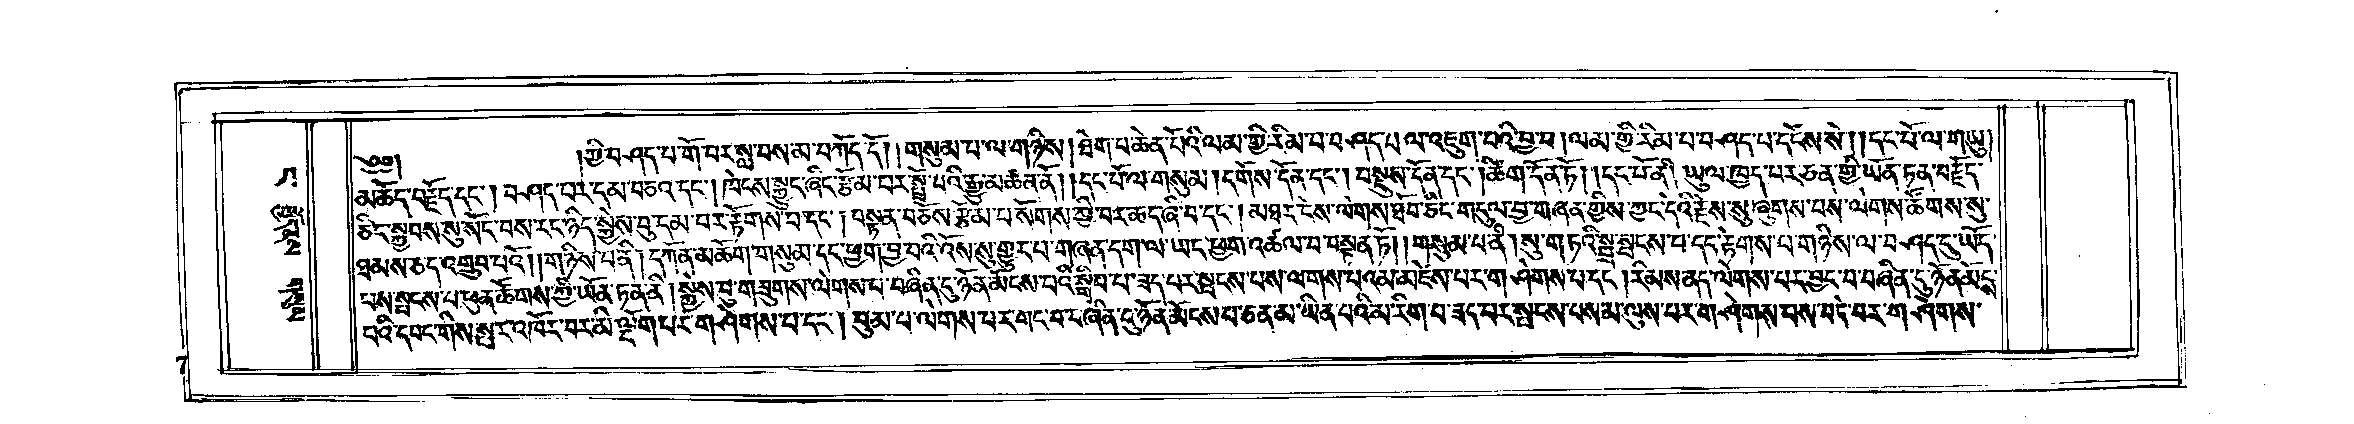༄༅། །ཀྱི་བཤད་པ་གོ་བར་སླ་བས་མ་བཀོད་དོ། །གསུམ་པ་ལ་གཉིས། ཐེག་པ་ཆེན་པོའི་ལམ་གྱི་རིམ་པ་བཤད་པ་ལ་འཇུག་པའི་བྱ་བ། ལམ་གྱི་རིམ་པ་བཤད་པ་དངོས་སོ། །དང་པོ་ལ་གཡུ།
མཆོད་བརྗོད་དང་། བཤད་པར་དམ་བཅའ་དང་། ཁེངས་སྐྱུད་ཞིང་རྩོམ་པར་སྤྲོ་བའི་རྒྱུ་མཚན་ནོ། །དང་པོ་ལ་གསུམ། དགོས་དོན་དང་། བསྡུས་དོན་དང་། ཚིག་དོན་ཏོ། །དང་པོ་ནི། ཡུལ་ཁྱད་པར་ཅན་གྱི་ཡོན་ཏན་བརྗོད་
ཅིང་སྐྱབས་སུ་སོང་བས་རང་ཉིད་སྐྱེས་བུ་དམ་པར་རྟོགས་པ་དང་། བསྟན་བཅོས་རྩོམ་པ་སོགས་ཀྱི་བར་ཆད་ཞི་བ་དང་། མཐར་ངེས་ལེགས་ཐོབ་ཅིང་གདུལ་བྱ་གཞན་གྱིས་ཀྱང་དེའི་རྗེས་སུ་ཞུགས་པས་ལེགས་ཚོགས་སུ་
ཐམས་ཅད་འགྲུབ་པའོ། །གཉིས་པ་ནི། དཀོན་མཆོག་གསུམ་དང་ཕྱག་བྱ་བའི་འོས་སུ་གྱུར་པ་གཞན་དག་ལ་ཡང་ཕྱག་འཚལ་བ་བསྟན་ཏོ། །གསུམ་པ་ནི། སུ་གཏའི་སྤྲ་སངས་པ་དང་རྟོགས་པ་གཉིས་ལ་བཤད་དུ་ཡོད་
པས་སྤངས་པ་ཕུན་ཚོགས་ཀྱི་ཡོན་ཏན་ནི། སྐྱེས་བུ་གཟུགས་ལེགས་པ་བཞིན་དུ་ཉོན་མོངས་པའི་སྒྲིབ་པ་ཟད་པར་སྤངས་པས་ལེགས་པའམ་མཛེས་པར་གཤེགས་པ་དང་། རིམས་ནད་ལེགས་པར་བྱང་བ་བཞིན་དུ་ཉོན་མོངས་
པའི་དབང་གིས་སྤར་འཁོར་བར་མི་ལྡོག་པར་གཤེགས་པ་དང་། བུམ་པ་ལེགས་པར་གང་བ་བཞིན་དུ་ཉོན་མོངས་པ་ཅན་མ་ཡིན་པའི་མ་རིག་པ་ཟད་པར་སྤངས་པས་མ་ལུས་པར་གཤེགས་པས་བདེ་བར་གཤེགས་